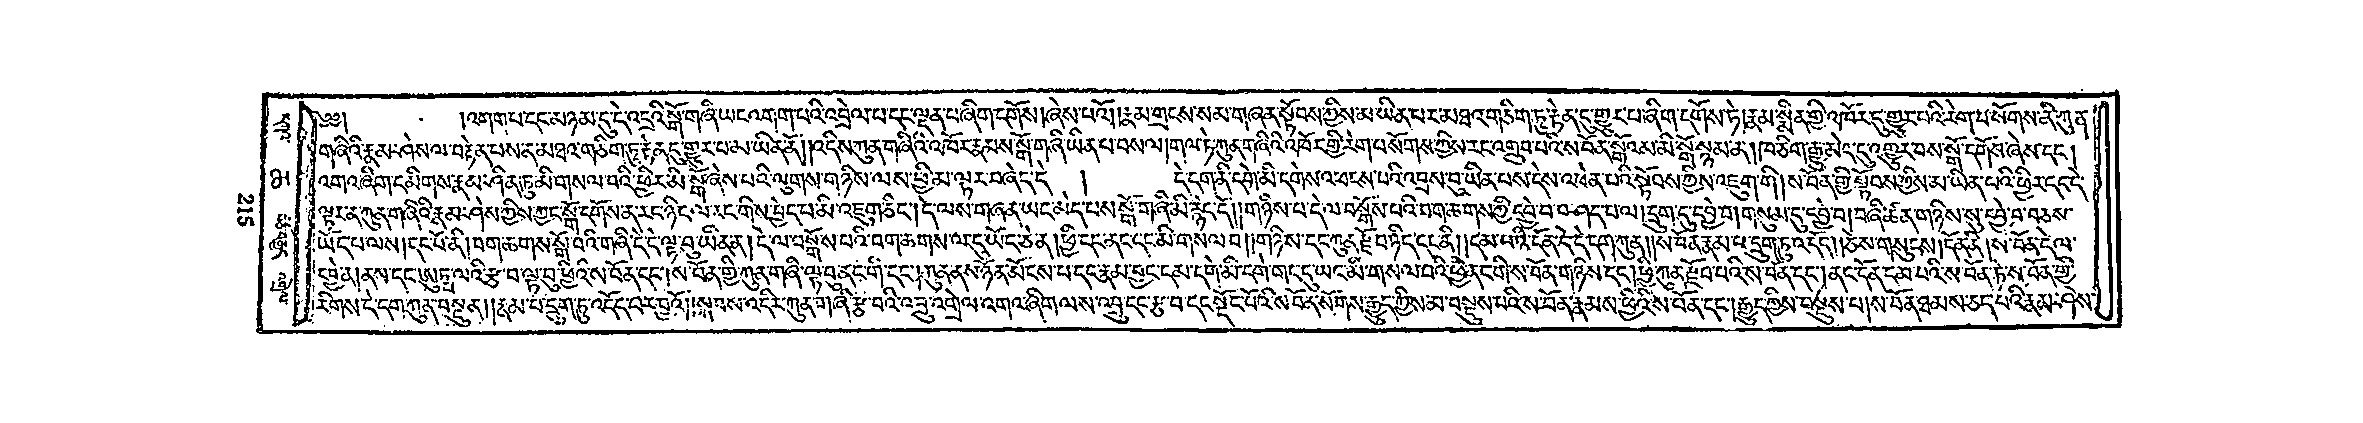༄༅། །འགག་པ་དང་མཉམ་དུ་དེ་འདྲའི་སྒོ་གཞི་ཡང་འགག་པའི་འབྲེལ་པ་དང་ལྡན་པ་ཞིག་དགོས། ཞེས་པའོ། །རྣམ་གྲངས་སམ་གཞན་སྟོབས་ཀྱིས་མ་ཡིན་པར་མཐའ་གཅིག་ཏུ་རྟེན་དུ་གྱུར་པ་ཞིག་དགོས་ཏེ། རྣམ་སྨིན་གྱི་འཁོར་དུ་གྱུར་པའི་རེག་པ་སོགས་ནི་ཀུན་
གཞིའི་རྣམ་ཤེས་ལ་བརྟེན་པས་ན་མཐའ་གཅིག་ཏུ་རྟེན་དུ་གྱུར་པ་མ་ཡིན་ནོ། །འདིས་ཀུན་གཞིའི་འཁོར་རྣམས་སྒོ་གཞི་ཡིན་པ་བསལ། གལ་ཏེ་ཀུན་གཞིའི་འཁོར་གྱི་རེག་པ་སོགས་ཀྱིས་རང་འགྲུབ་པའི་ས་བོན་སྒོའམ་མི་སྒོ་སྙམ་ན། ཁ་ཅིག་རྒྱུ་མེད་དུ་འགྱུར་བས་སྒོ་དགོས་ཞེས་དང་།
འགའ་ཞིག་དམིགས་རྣམ་ཤིན་ཏུ་མི་གསལ་བའི་ཕྱིར་མི་སྒོ་ཞེས་པའི་ལུགས་གཉིས་ལས་ཕྱི་མ་ལྟར་བཞེད་དེ། དེ་དག་ནི་དགེ་མི་དགེས་འཕངས་པའི་འབྲས་བུ་ཡིན་པས་དེས་འཕེན་པའི་སྟོབས་ཀྱིས་འཇུག་གི །ས་བོན་གྱི་སྟོབས་ཀྱིས་མ་ཡིན་པའི་ཕྱིར་དང་དེ་
ལྟར་ན་ཀུན་གཞིའི་རྣམ་ཤེས་ཀྱིས་ཀྱང་སྒོ་དགོས་ན་རང་ཉིད་ལ་རང་གིས་བྱེད་པ་མི་འཇུག་ཅིང་། དེ་ལས་གཞན་ཡང་མེད་པས་སྒོ་གཞི་མི་རྙེད་དོ། །གཉིས་པ་དེ་ལ་བསྒོས་པའི་བག་ཆགས་ཀྱི་དབྱེ་བ་བཤད་པ་ལ། དྲུག་དུ་དབྱེ་བ། གསུམ་དུ་དབྱེ་བ། བཞི་ཚན་གཉིས་སུ་དབྱེ་བ་བཅས་
ཡོད་པ་ལས། དང་པོ་ནི། བག་ཆགས་སྒོ་བའི་གཞི་དེ་དེ་ལྟ་བུ་ཡིན་ན། དེ་ལ་བསྒོས་པའི་བག་ཆགས་ལ་དུ་ཡོད་ཅེ་ན། ཕྱི་དང་ནང་དང་མི་གསལ་བ། །གཉིས་དང་ཀུན་རྫོབ་ཉིད་དང་ནི། །དམ་པའི་དོན་དེ་དེ་དག་ཀུན། །ས་བོན་རྣམ་པ་དྲུག་ཏུ་འདོད། །ཅེས་གསུངས། དོན་ནི། ས་བོན་དེ་ལ་
དབྱེ་ན། ནས་དང་ཨུཏྤ་ལའི་རྩ་བ་ལྟ་བུ་ཕྱིའི་ས་བོན་དང་། ས་བོན་གྱི་ཀུན་གཞི་ལྟ་བུ་ནང་གི་དང་། ཀུན་ནས་ཉོན་མོངས་པ་དང་རྣམ་བྱང་དམ་དགེ་མི་དགེ་གང་དུ་ཡང་མི་གསལ་བའི་ཕྱི་ནང་གི་ས་བོན་གཉིས་དང་། ཕྱི་ཀུན་རྫོབ་པའི་ས་བོན་དང་། ནང་དོན་དམ་པའི་ས་བོན་ཏེ་ས་བོན་གྱི་
རིགས་དེ་དག་ཀུན་བསྡུན། །རྣམ་པ་དྲུག་ཏུ་འདོད་བར་བྱའོ། །སྐབས་འདིར་ཀུན་གཞི་རྩ་བའི་འབྲུ་འགྲེལ་འགའ་ཞིག་ལས་འབྲུ་དང་རྩ་བ་དང་སྡོང་པོའི་ས་བོན་སོགས་རྒྱུད་ཀྱིས་མ་བསྡུས་པའི་ས་བོན་རྣམས་ཕྱིའི་ས་བོན་དང་། རྒྱུད་ཀྱིས་བསྡུས་པ། ས་བོན་ཐམས་ཅད་པའི་རྣམ་ཤེས་